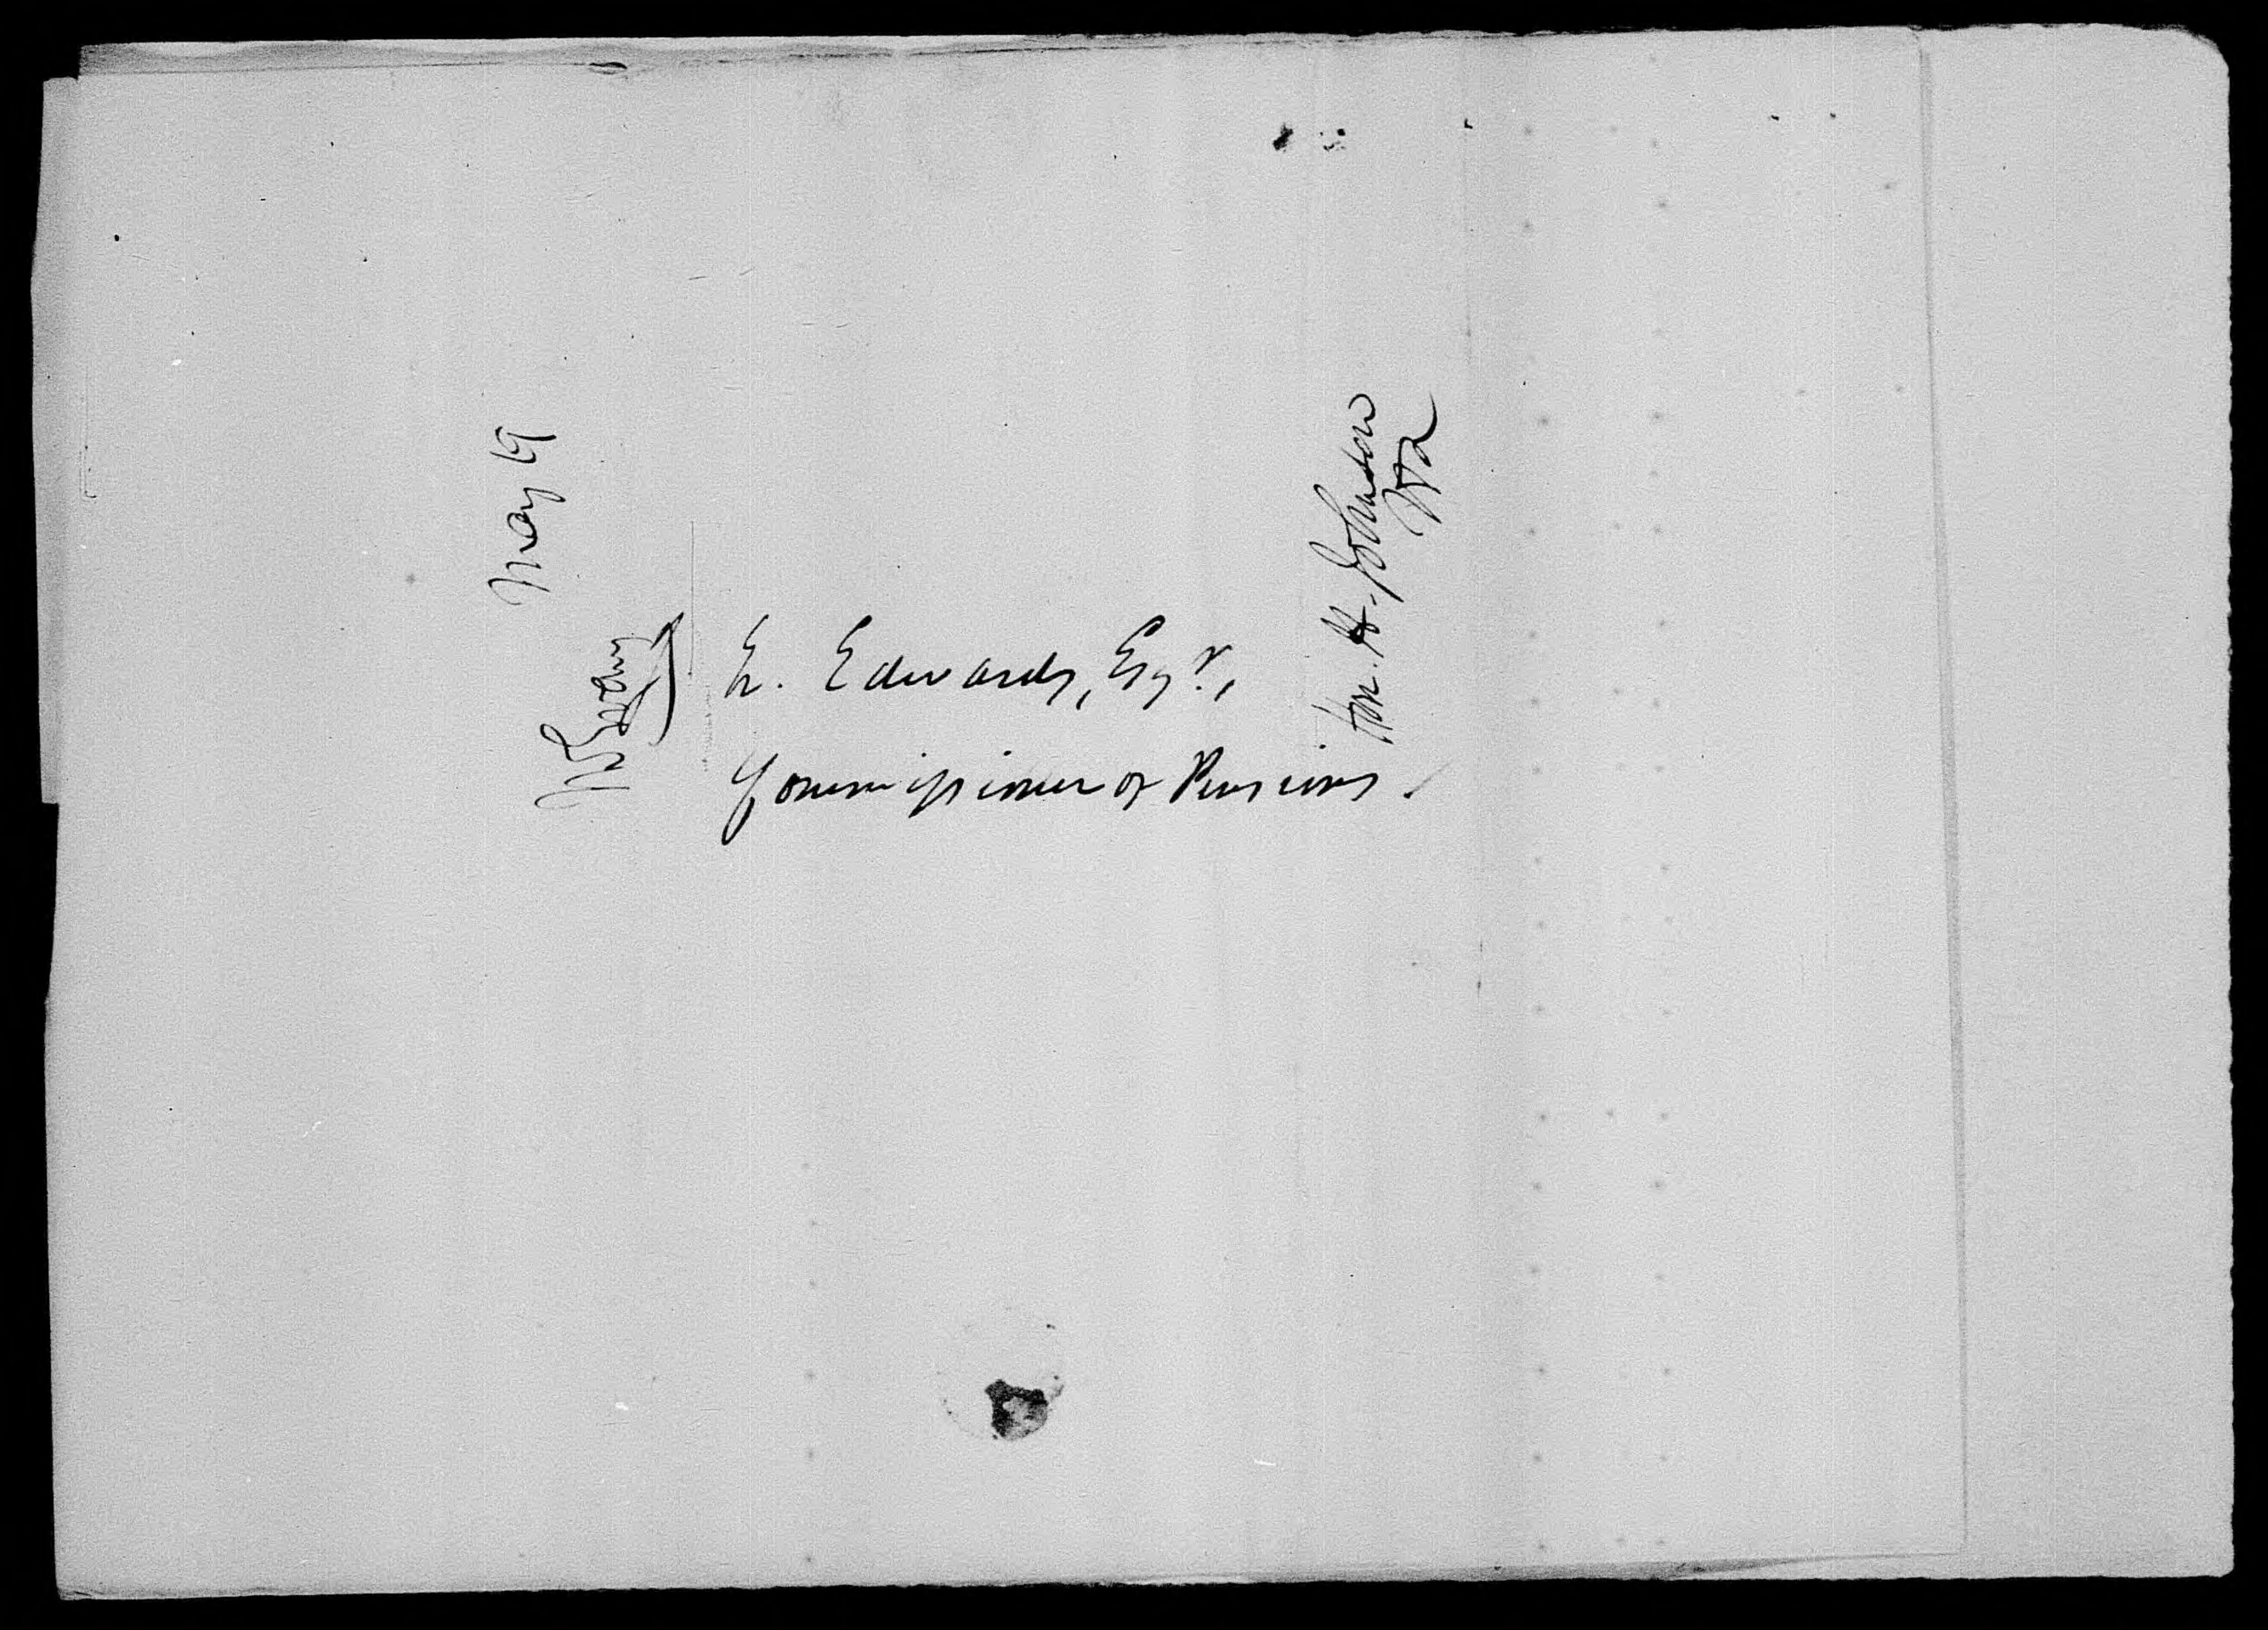May 19
[illegible]
J. L. Edwards Esqr
Commissioner of Pensions

Hon. H. Johnson HOR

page: 34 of 54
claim: survivor's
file: S. 31166, for Thomas Jackson, South Carolina